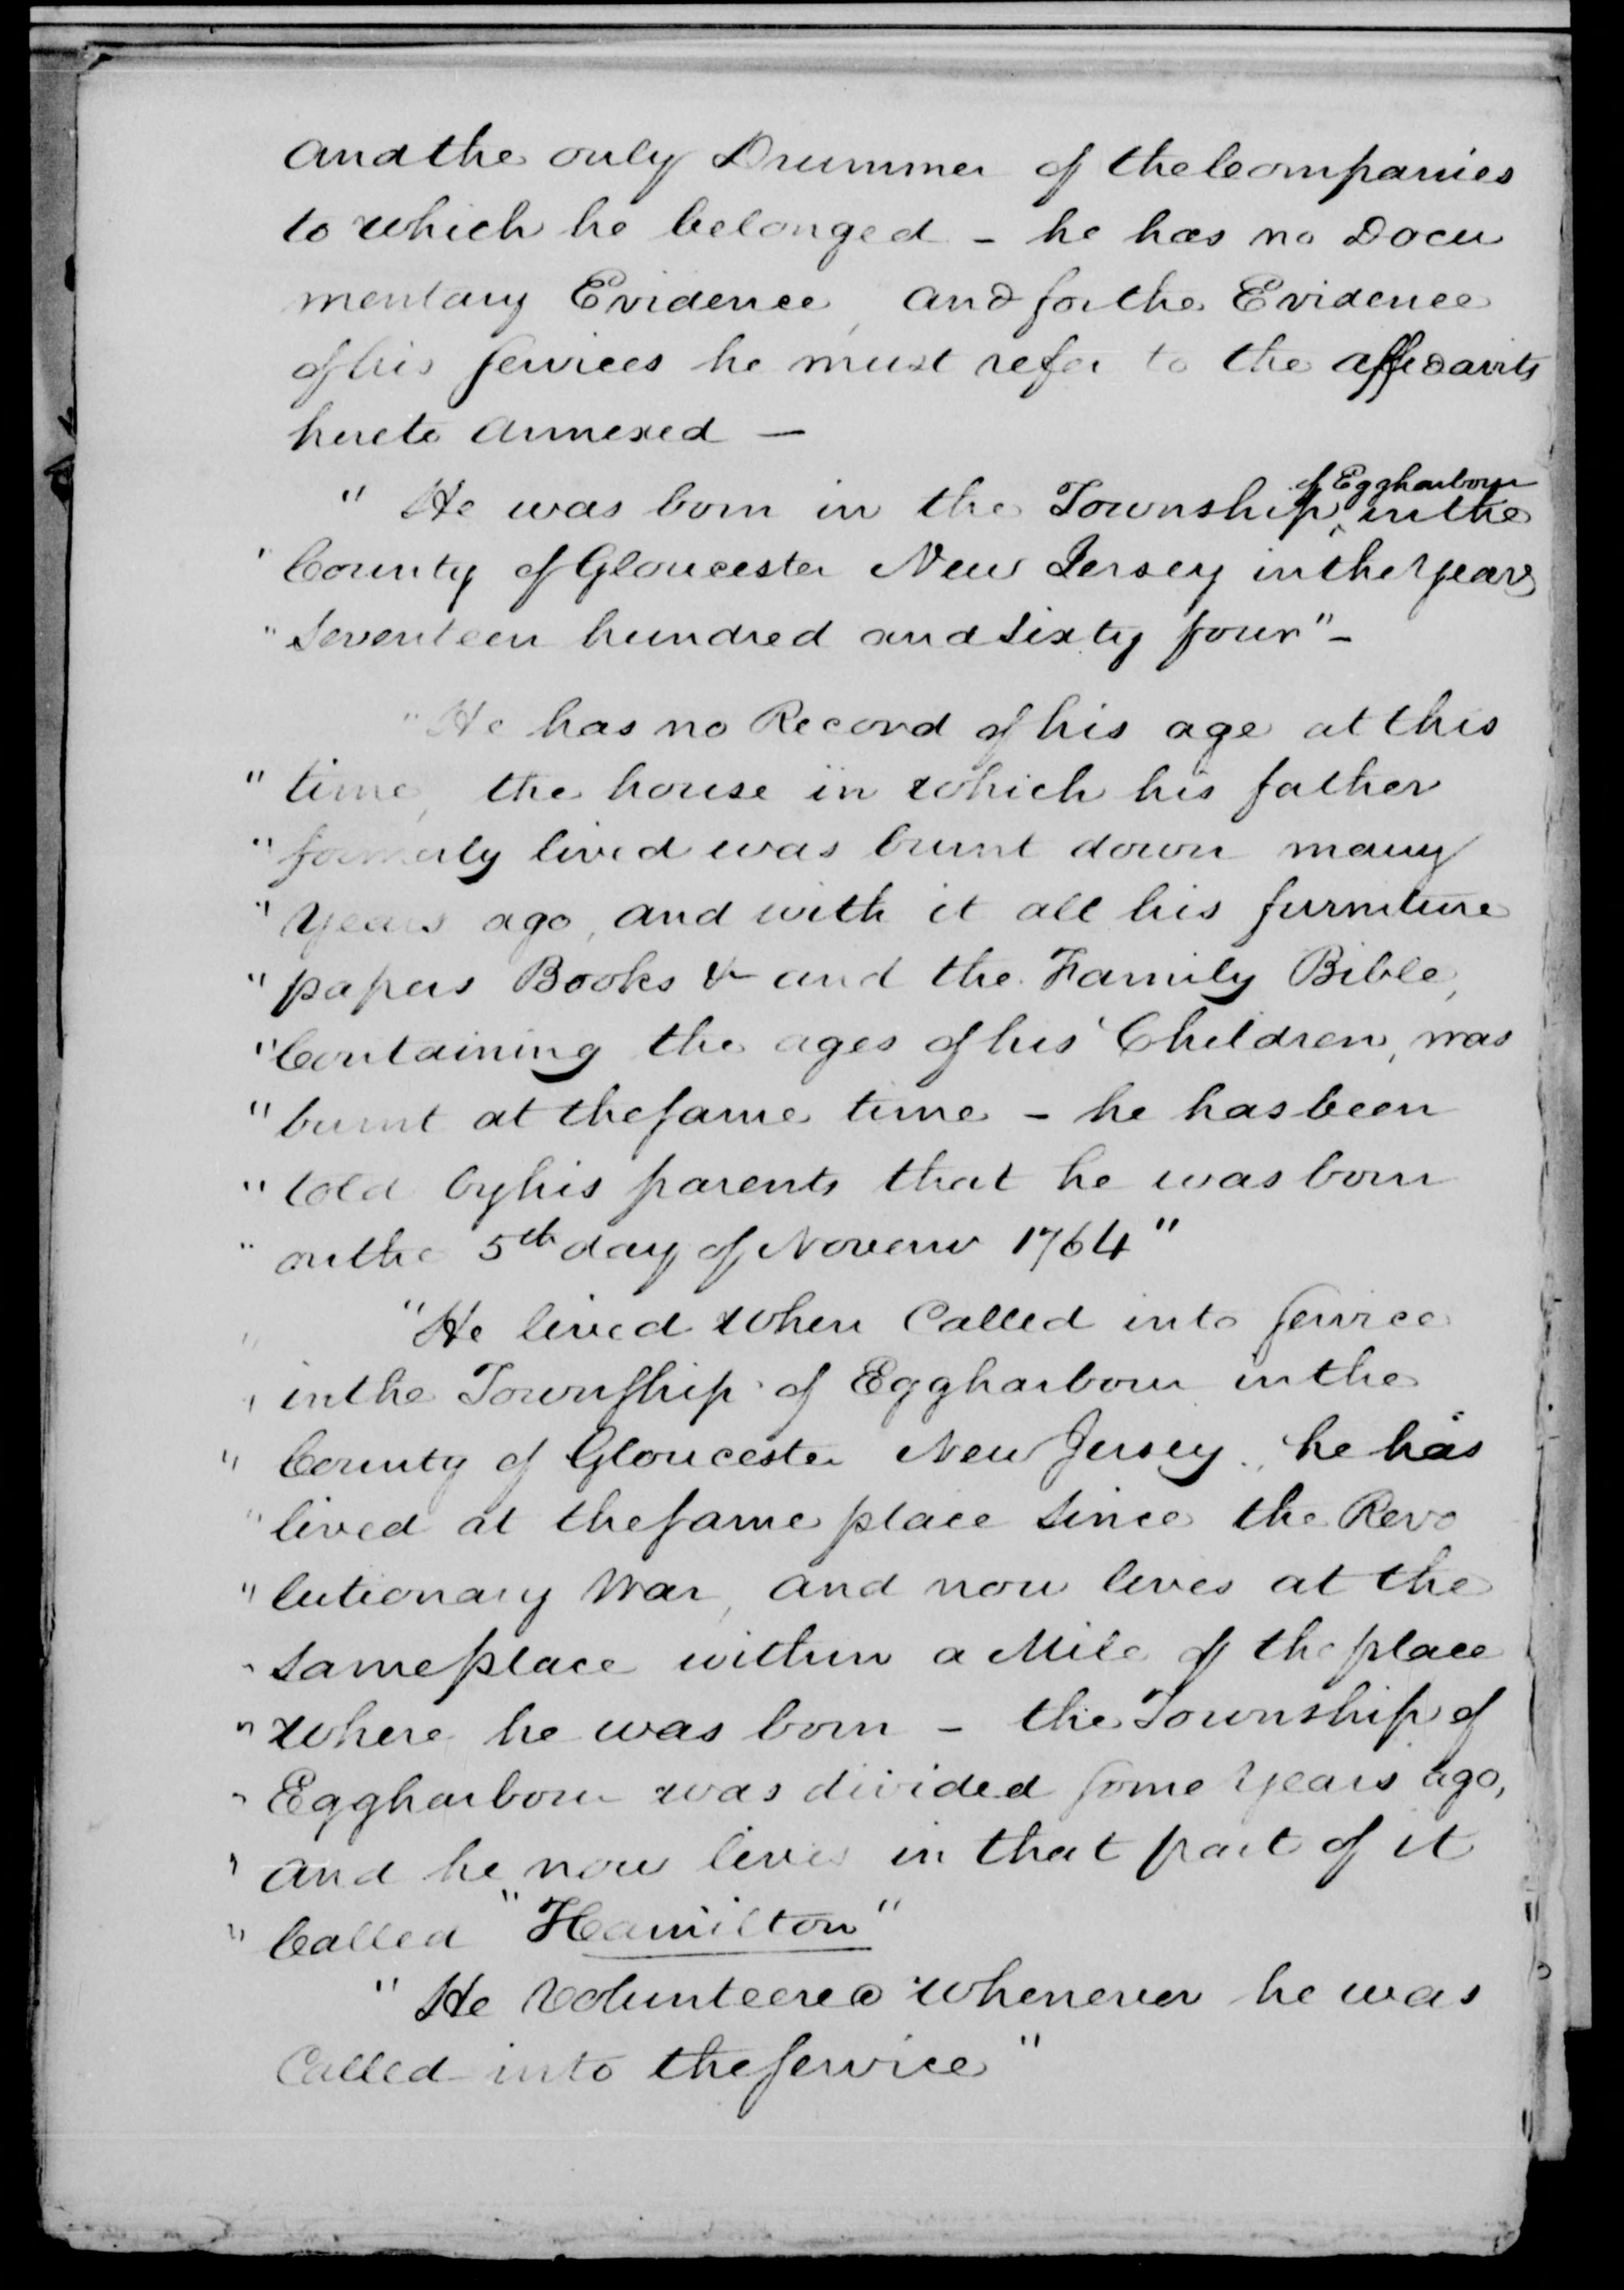and the only Drummer of the Companies to which he belonged – he has no Documentary Evidence, and for the Evidence of his Services he must refer to the affidavit hereto annexed – 

“He was born in the Township of Eggharbor in the County of Gloucester New Jersey in the year Seventeen hundred and Sixty four’
“He has no Record of his age at this time, the house in which his father family lived was burnt down many years ago, and with it all his furniture, papers books and the Family Bible containing the ages of his Children, was burnt at the same time – he has been told by his parents that he was born on the 5th day of November 1764”
“He lived where called into service in the Township of Eggharbor in the County of Gloucester New Jersey.  He has lived at the same place since the Revolutionary War, and now lives at the same place within a mile of the place where he was born – the Township of Eggharbor was divided some years ago, and he now lives in the part of it called “Hamilton”
“He volunteered whenever he was called into the Service”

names: [BLANK] Hamilton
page: 10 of 27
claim: rejected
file: R. 9,892, for Henry Snell, New Jersey